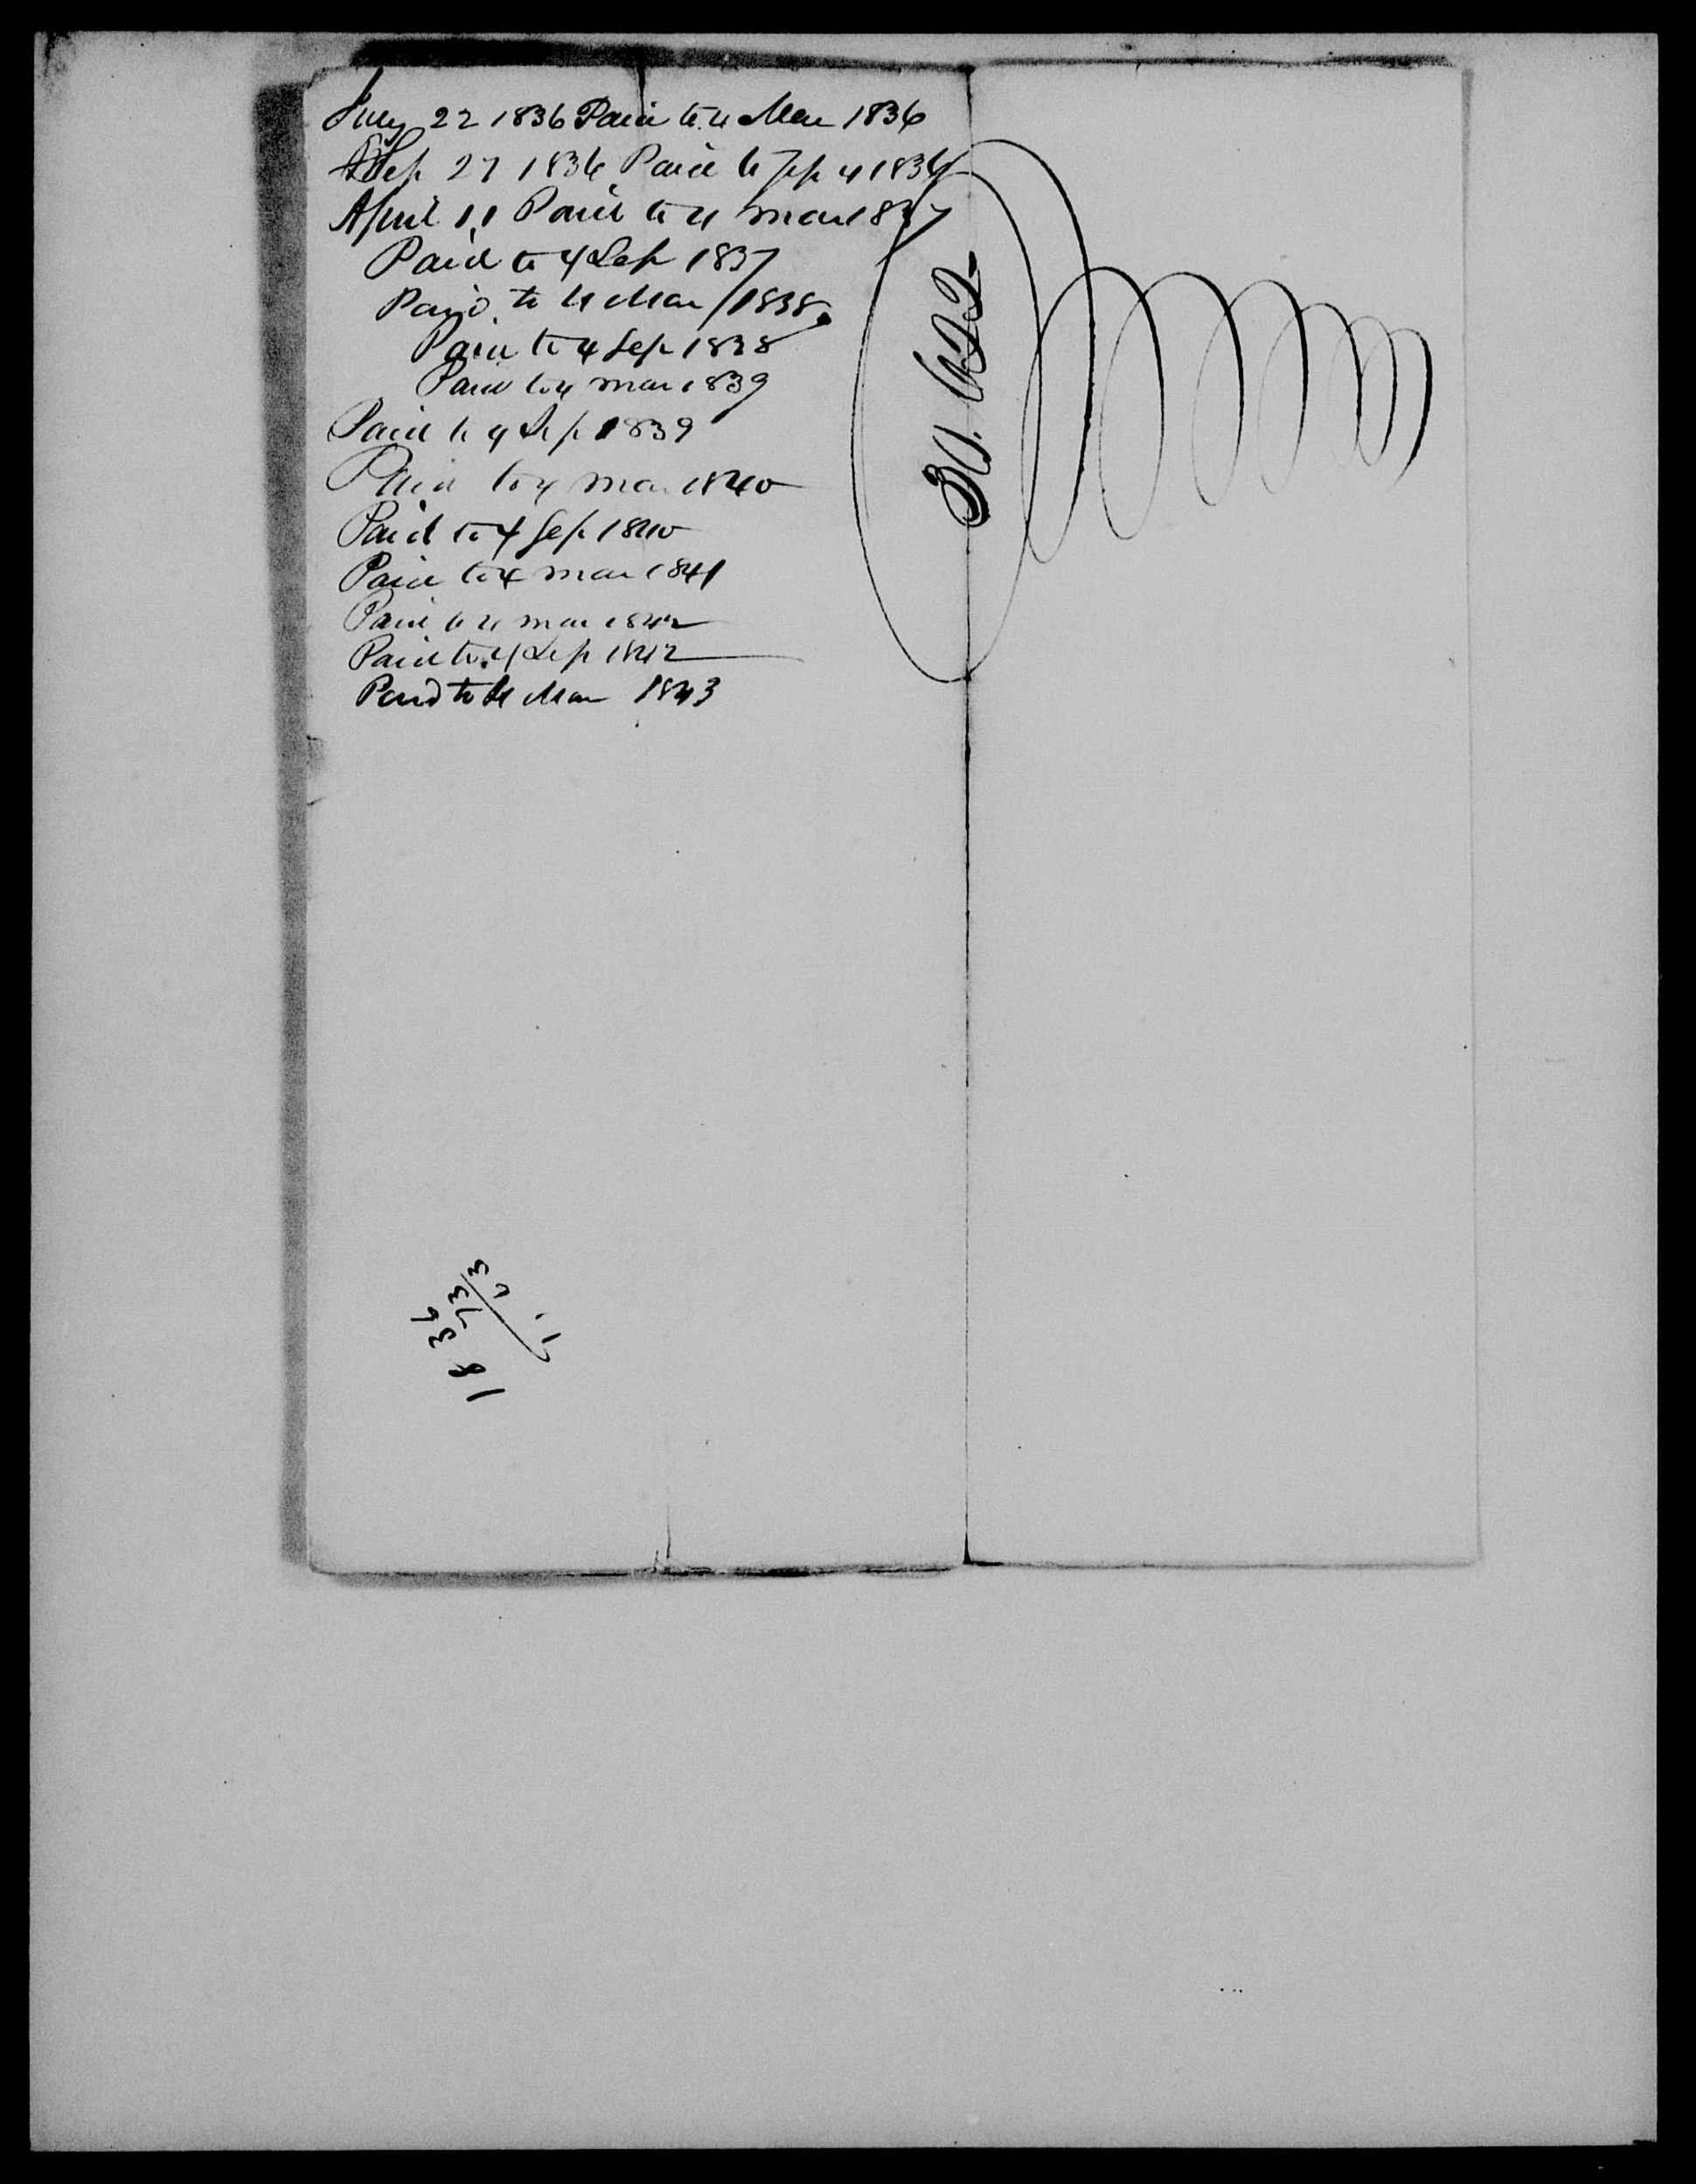July 22 1836 Paid to 4 Mar 1836
Sep 17 1836 paid to Feb 4 1836
April 11 Paid to [illegible] 1837
Paid to 4 Sep 1837
Paid to 4th 1838,
Paid to 4 Sep 1838
Paid to Mar 1839
Paid to 4 Sep 1839
Paid to 4 Mar 1840
Paid to 4 Sep 1840
Paid to Mar 1841
Paid to mar 1842
Paid to 4 Sept 1842
Paid to 4 Mar 1843


30 622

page: 15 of 20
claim: survivor's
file: S. 4911, for Daniel Swayze, New Jersey